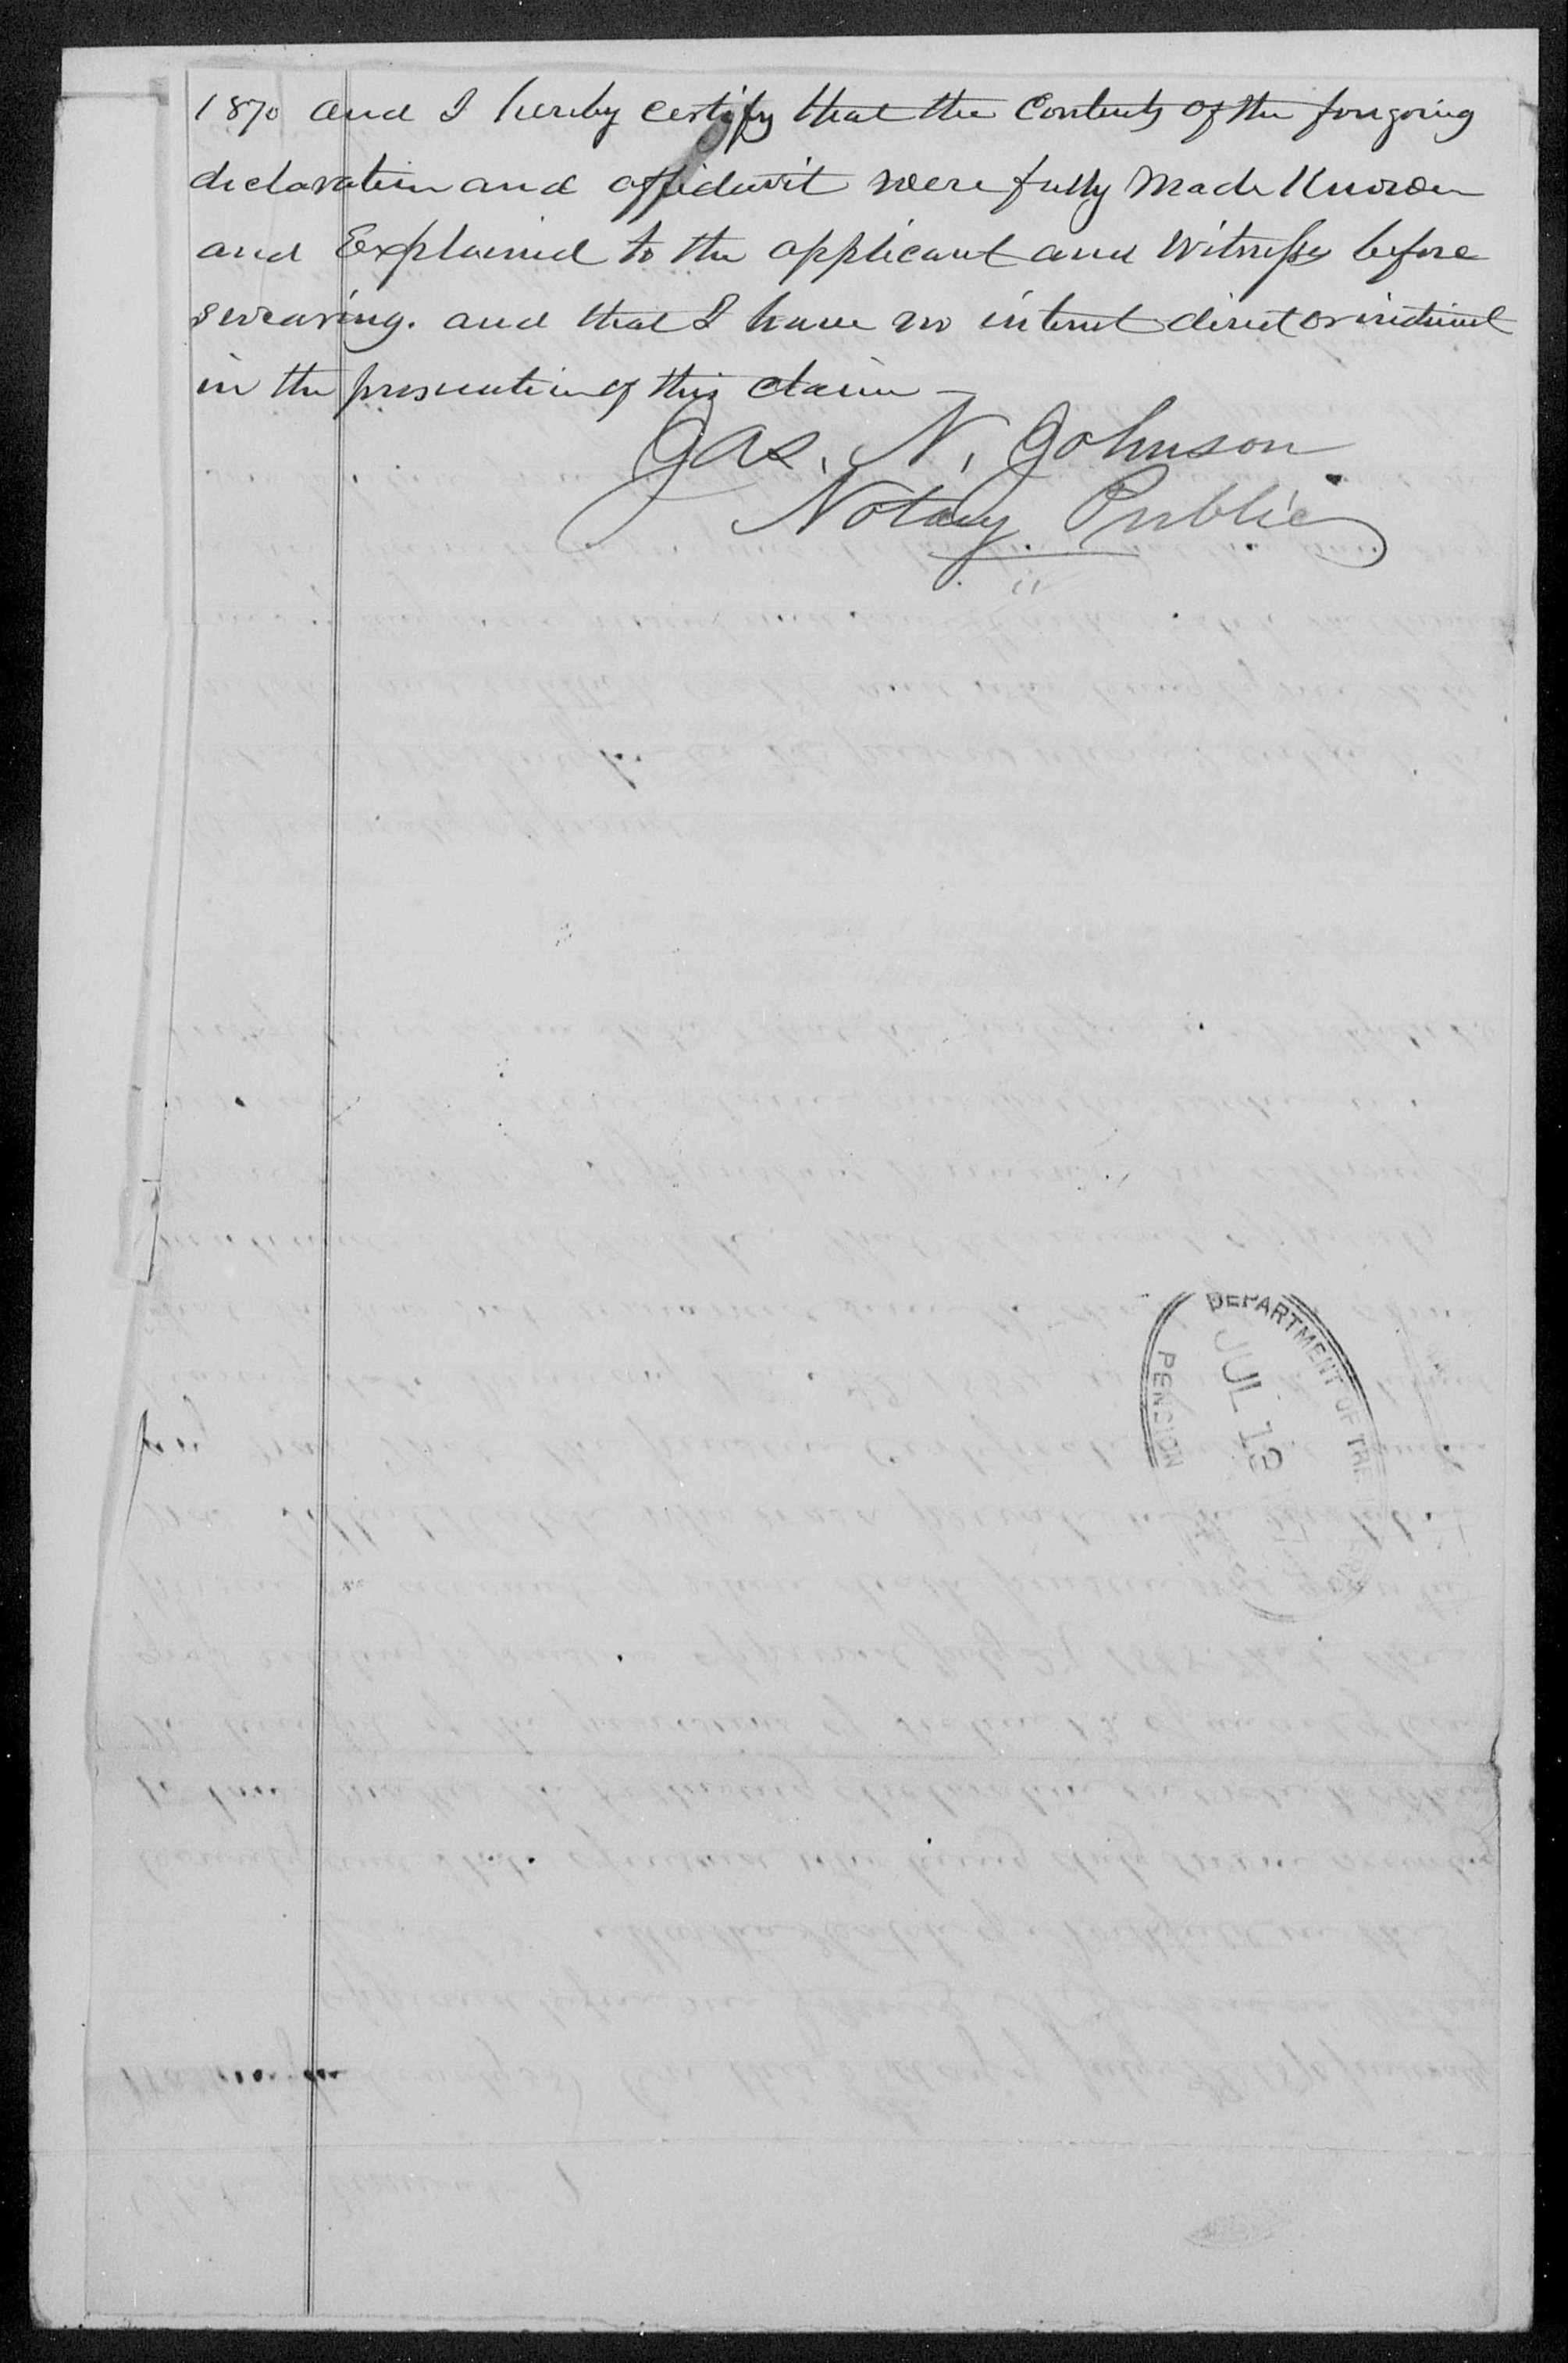1870 and I hereby certify that the contents of the foregoing declaration and affidavit were fully made known and Explained to the applicant and witness before swearing, and that I have no interest direct or indirect in the prosecution of this claim.
Jas. N. Johnson
Notary Public

DEPARTMENT OF THE [illegible]
JULY 13 [illegible]
PENSION [illegible]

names: Jas N Johnson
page: 31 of 47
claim: widow's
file: W. 225, Gilbert Hatch, Conn.